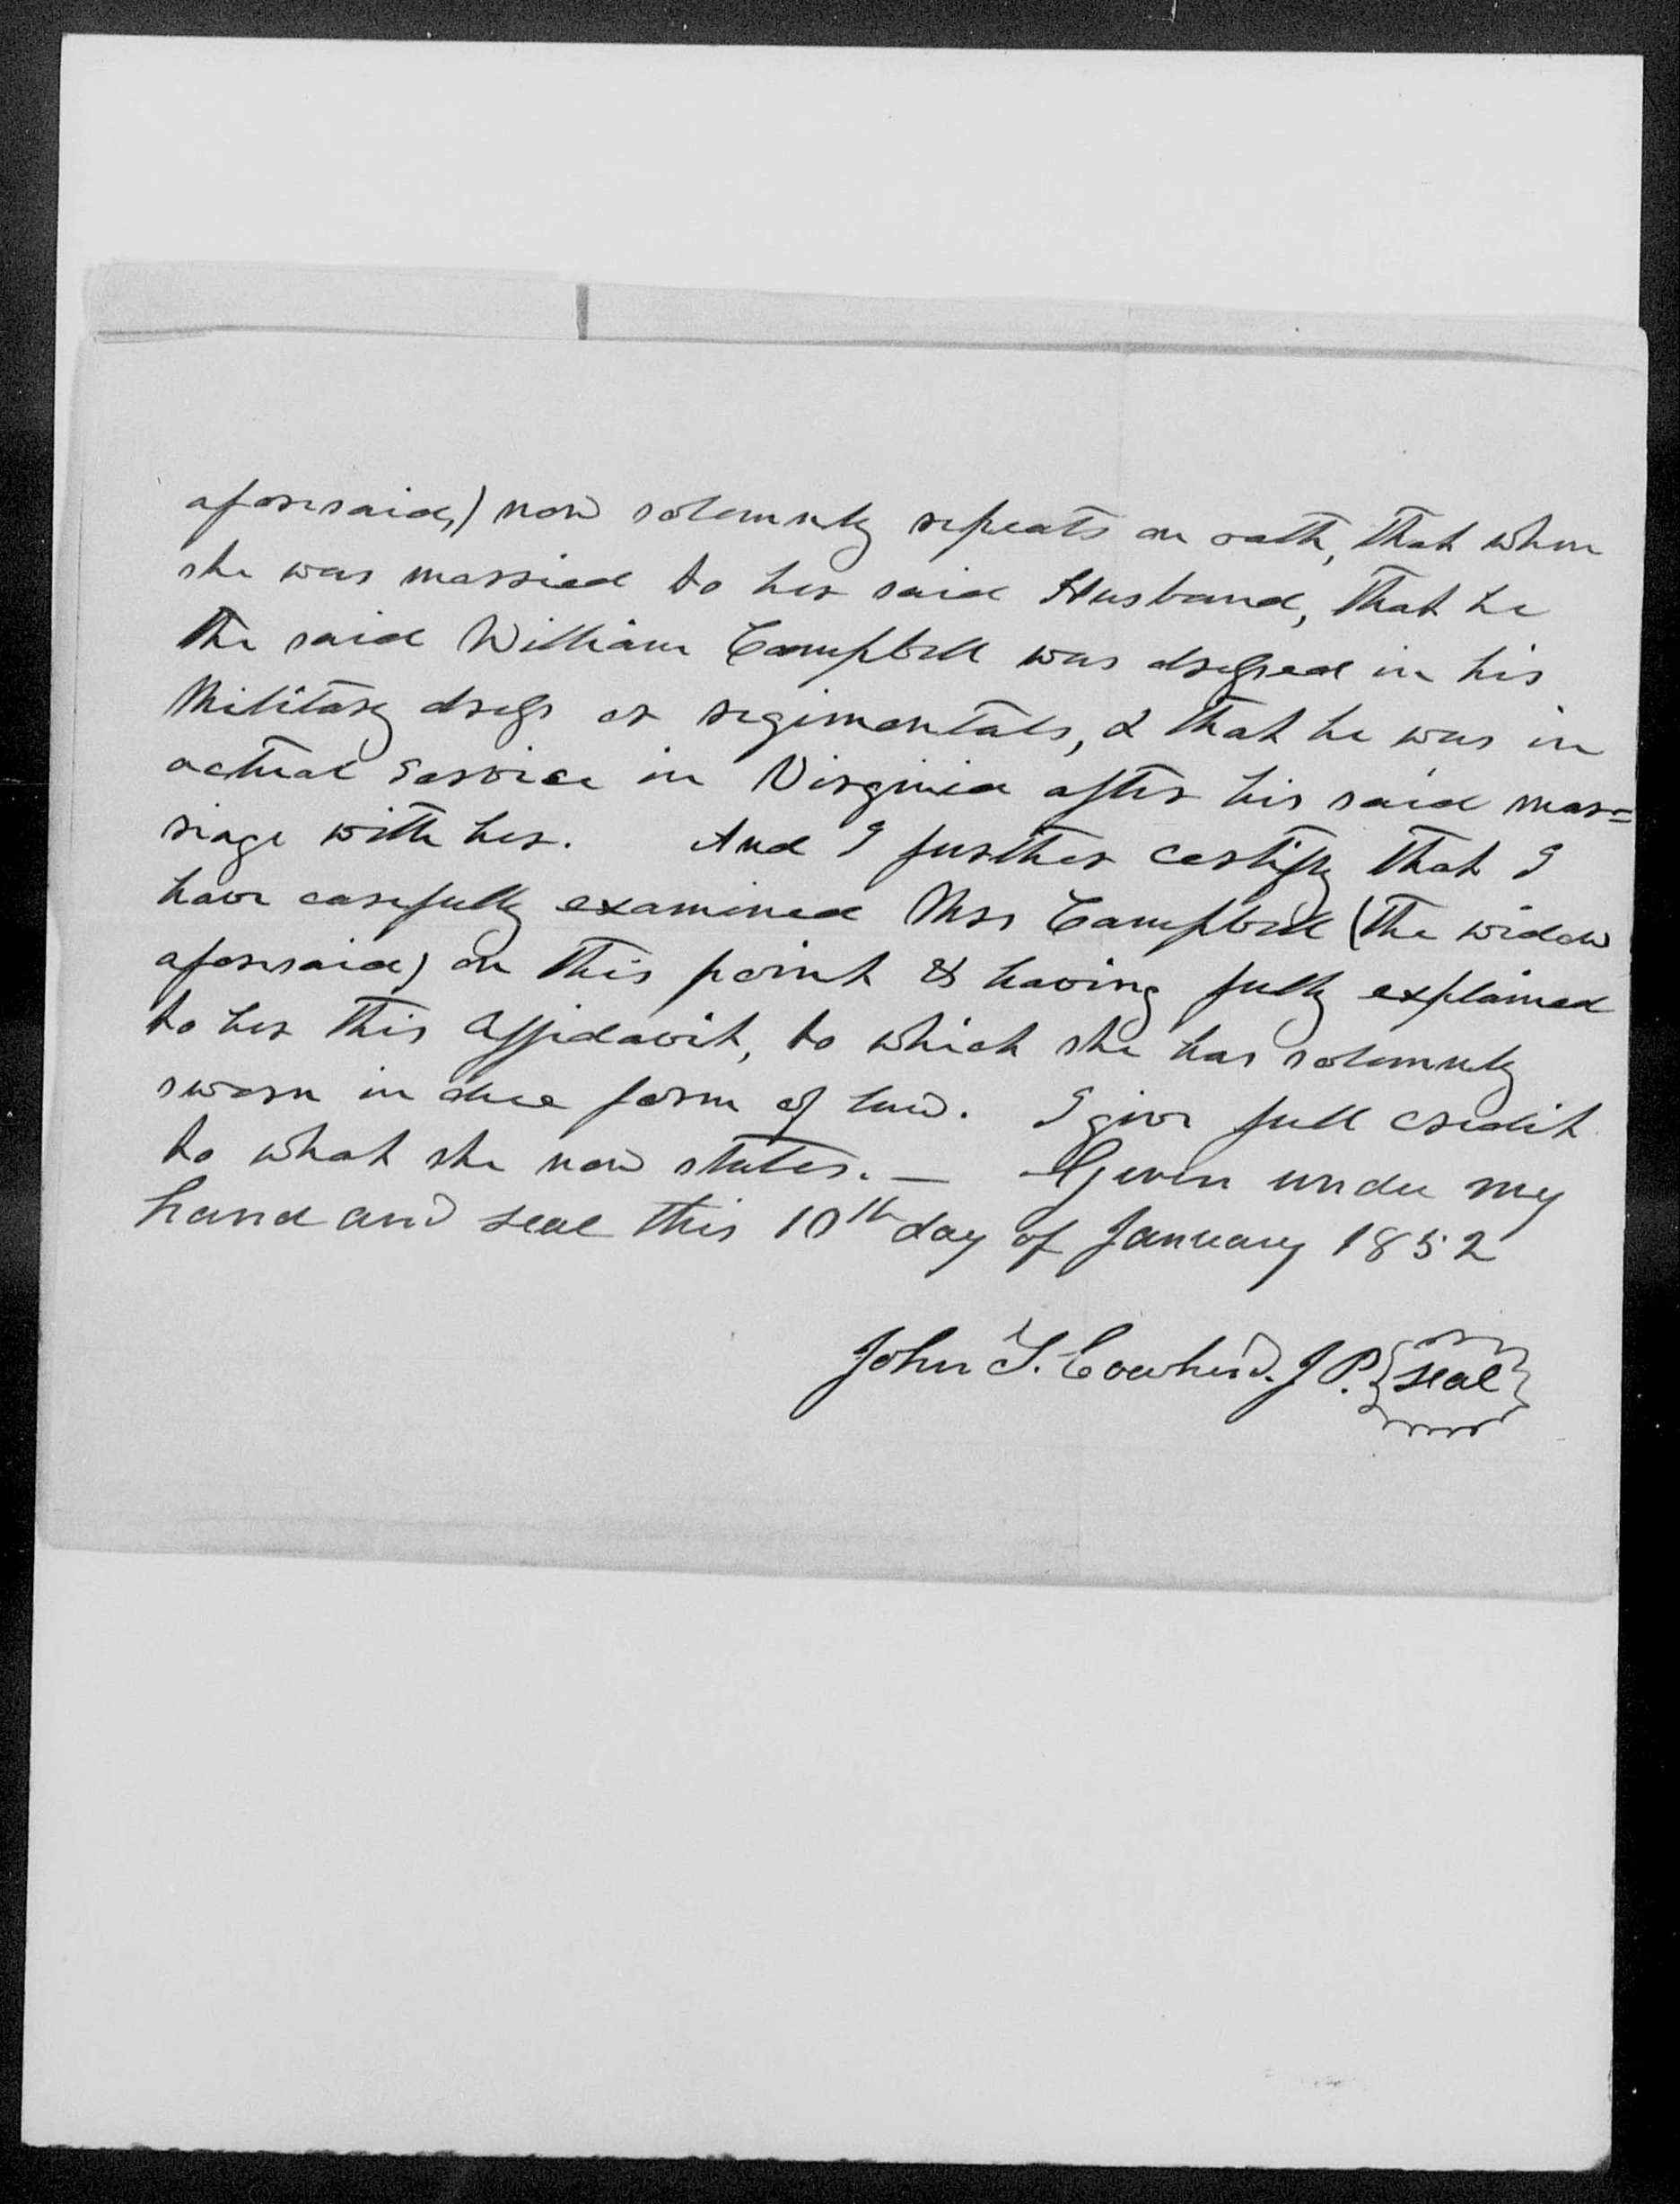aforesaid) now solemnly repeats an oath, that when she was married to her said Husband, that he the said William Campbell was dressed in his Military dress or regimentals, +[and] that he was in actual service in Virginia after his said marriage with her.   And I further certify that I have carefully examined Mrs Campbell (the widow aforesaid) on this point & [and] having fully explained to her this affidavit, to which she has solemnly sworn in due form of Law.  I give full credit to what she now states. ____  Given under my hand and seal this 10th day of January 1852
John S. Cowherd. J.P.  [the word 'seal' encircled by a line having inward and outward loops]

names: Campbell, William Campbell, John S Cowherd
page: 248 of 267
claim: widow's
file: W. 4,149, William Campbell, Va.